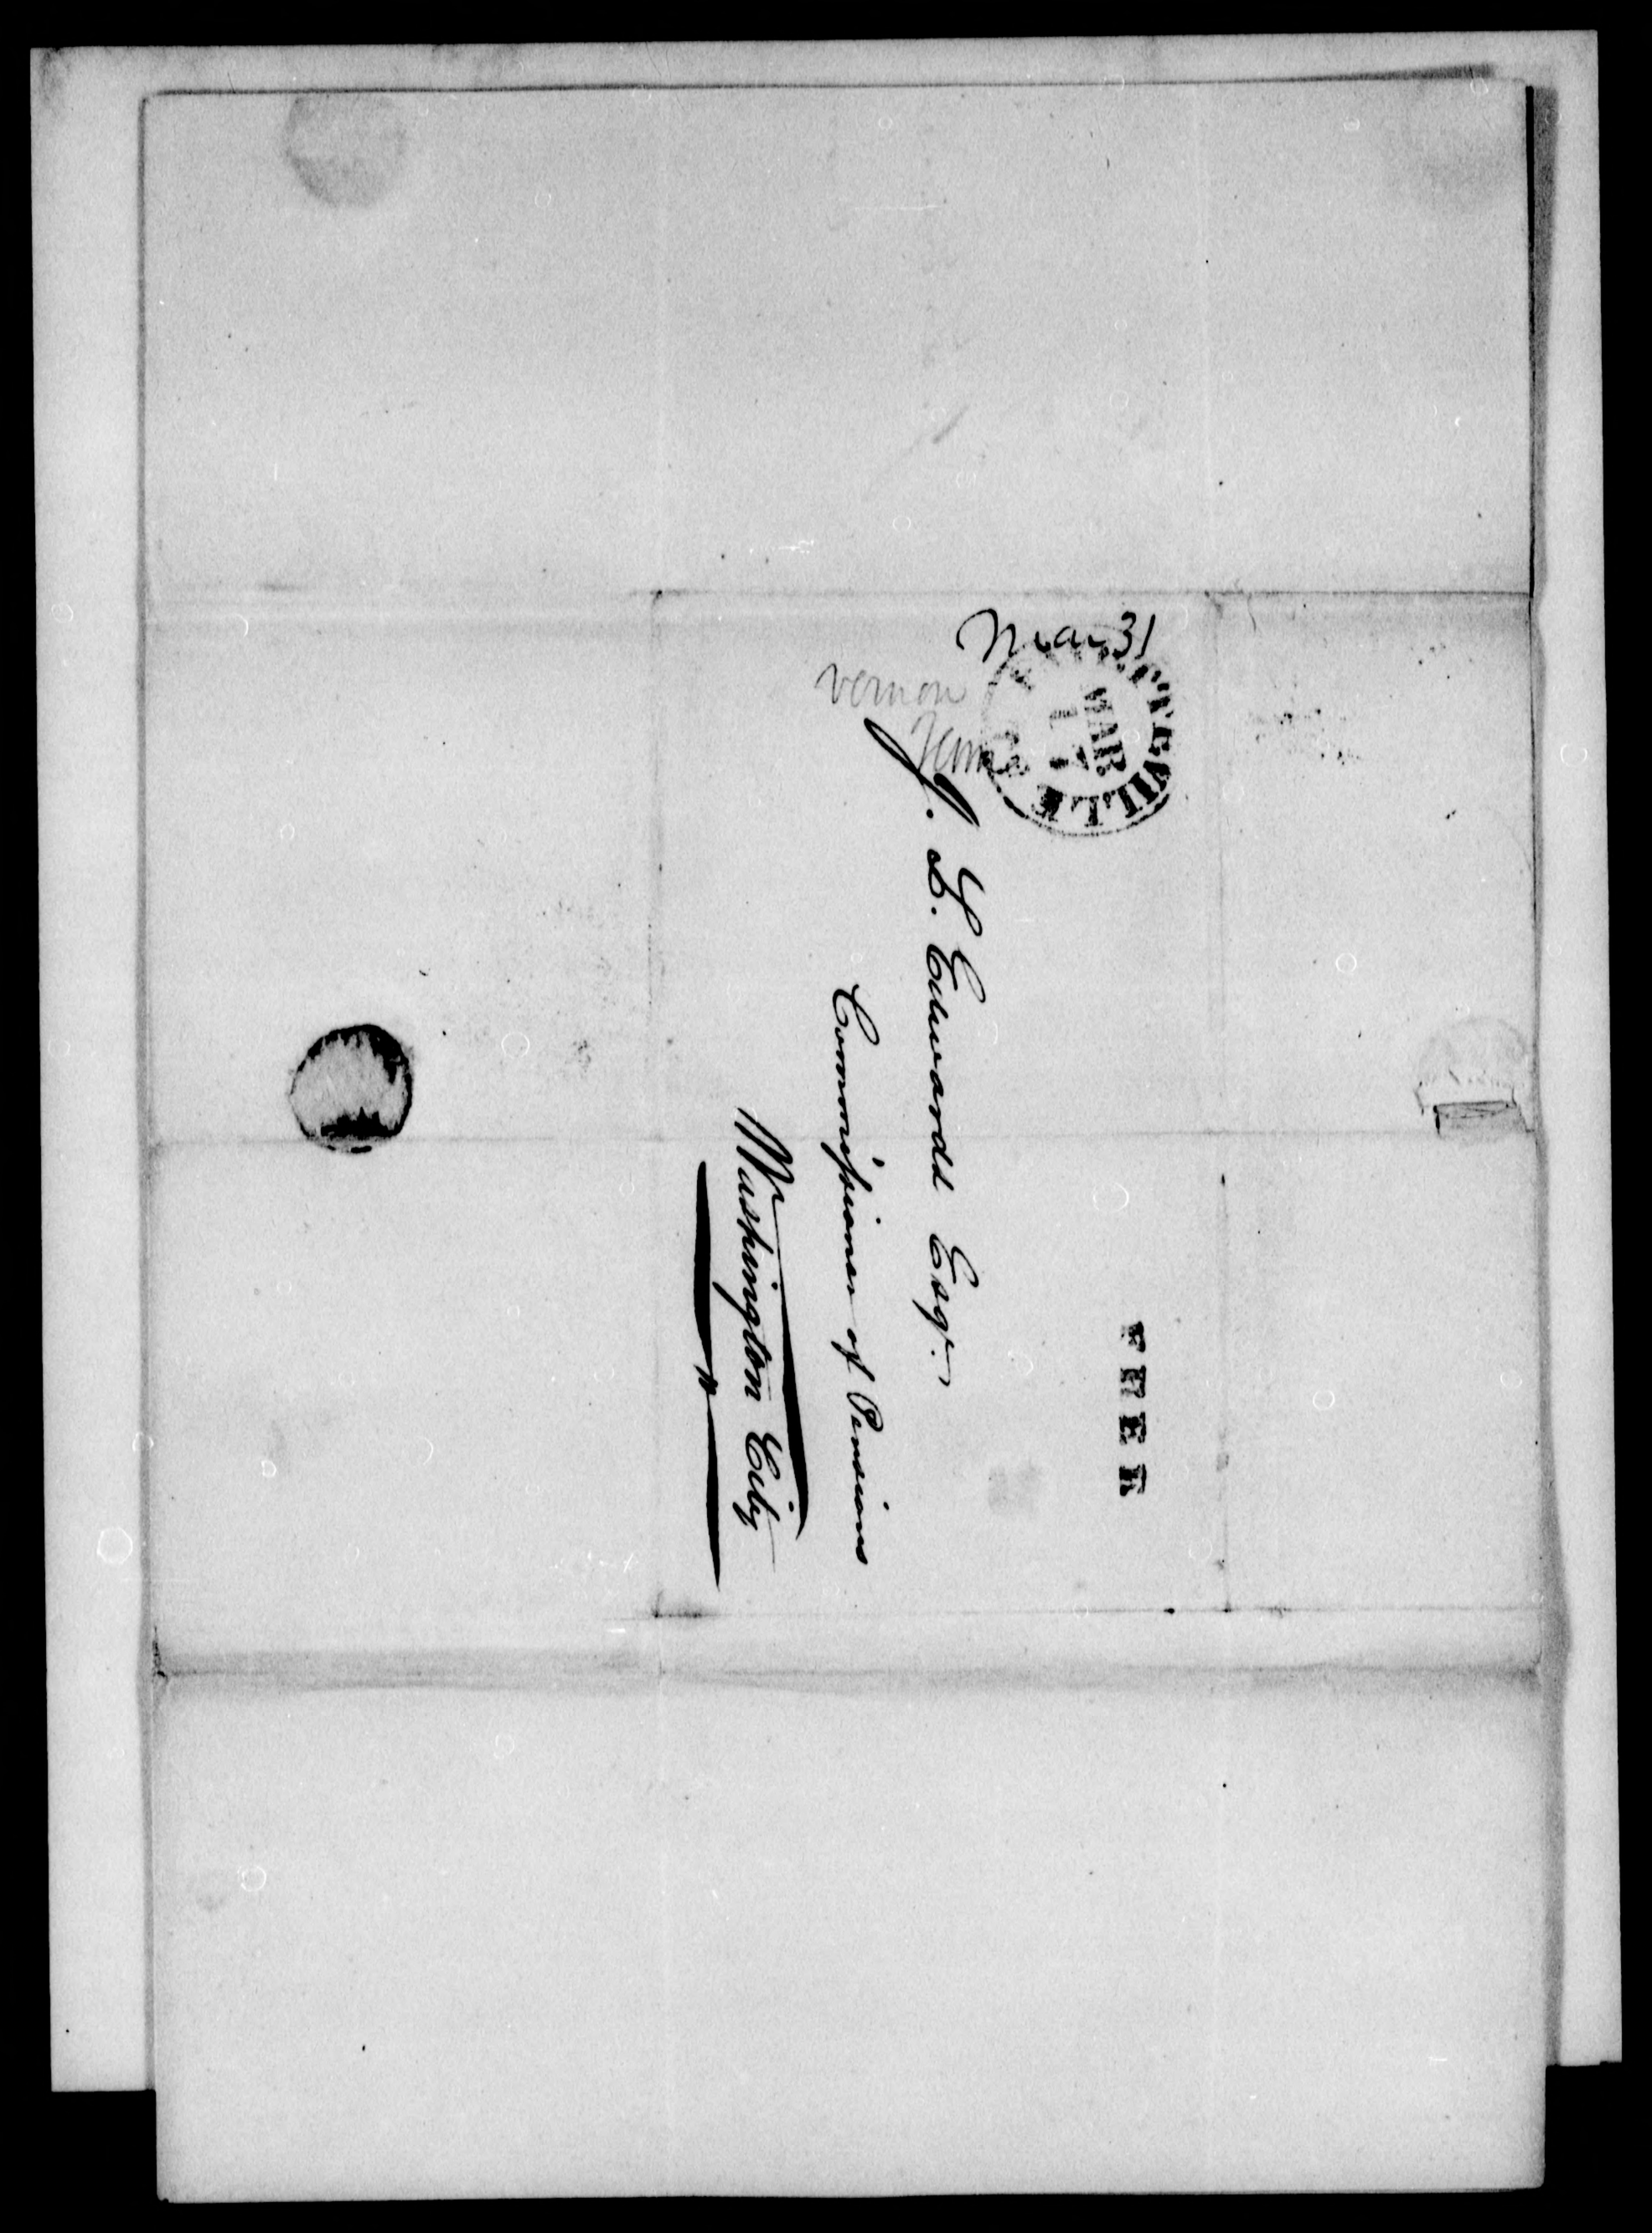May 31
circular seal: FAYETTEVILLE MAR 7
FREE
Vernon Tenn

J. L. Edward Esq. 
Commissioner of Pensions
Washington City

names: J L Edwards, Vernon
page: 57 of 105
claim: survivor's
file: S. 1883, Richard Vernon, N.C.